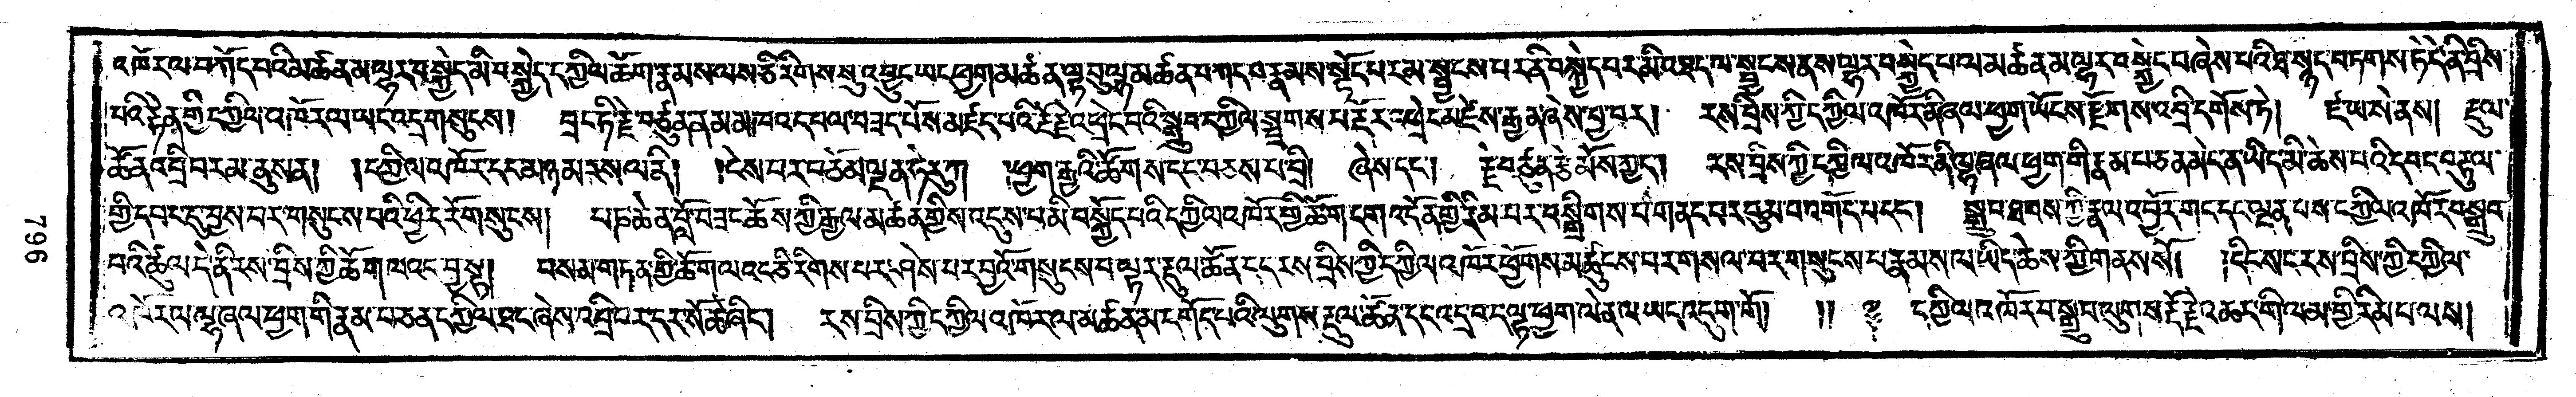འཁོར་ལ་བཀོད་པའི་མཚན་མ་ལྷར་བསྐྱེད་མི་བསྐྱེད་དཀྱིལ་ཆོག་རྣམས་ལས་ཅི་རིགས་སུ་འབྱུང་ཡང་ཕྱག་མཚན་ལྟ་བུ་ལྷ་མཚན་བཀང་བ་རྣམས་སྟོང་པར་མ་སྦྱངས་པར་ནི་བསྐྱེད་པར་མི་འཐད་ལ་སྦྱངས་ནས་ལྷར་བསྐྱེད་པ་ལ་མཚན་མ་ལྷར་བསྐྱེད་པ་ལ་མཚན་མ་ལྷར་བསྐྱེད་བཞེས་པའི་ཐ་སྙད་བཏགས་ཏེ་དེ་ནི་བྲིས་
པའི་རྟེན་གྱི་དཀྱིལ་འཁོར་ལ་ཡང་འདྲ་གསུངས། བྲང་ཏི་རྗེ་བཙུན་ནམ་མཁའ་དཔལ་བཟང་པོས་མཛད་པའི་རྡོ་རྗེ་འཕྲེང་བའི་སྒྲུབ་དཀྱིལ་སྦྲགས་པ་རྡོར་འཕྲེང་མཛེས་རྒྱན་ཞེས་བྱ་བར། རས་བྲིས་ཀྱི་དཀྱིལ་འཁོར་ནི་ཞལ་ཕྱག་ཡོངས་རྫོགས་འབྲི་དགོས་ཏེ། ཛ་ཡ་སེ་ནས། རྡུལ་
ཚོན་འབྲི་བར་མ་ནུས་ན། །དཀྱིལ་འཁོར་དང་མཉམ་རས་ལ་ནི། །ངེས་པར་བཅོམ་ལྡན་ཧེ་རུ་ཀ །ཕྱག་རྒྱའི་ཚོགས་དང་བཅས་པ་བྲི། ཞེས་དང་། རྗེ་བཙུན་རྩེ་མོས་ཀྱང་། རས་བྲིས་ཀྱི་དཀྱིལ་འཁོར་ནི་ལྷ་ཞལ་ཕྱག་གི་རྣམ་པ་ཅན་མེད་ན་ཡིད་མི་ཆེས་པའི་དབང་བརྟུལ་
གྱི་དབང་དུ་བྱས་པར་གསུངས་པའི་ཕྱིར་རོ་གསུངས། པཎ་ཆེན་བློ་བཟང་ཆོས་ཀྱི་རྒྱལ་མཚན་གྱིས་འདུས་པ་མི་བསྐྱོད་པའི་དཀྱིལ་འཁོར་གྱི་ཆོ་ག་ངག་འདོན་གྱི་རིམ་པར་བསྒྲིགས་པ་གནང་བར་བུམ་པ་འགོད་པ་དང་། སྒྲུབ་ཐབས་ཀྱི་རྣལ་འབྱོར་གང་དང་ལྡན་པས་དཀྱིལ་འཁོར་བསྒྲུབ་
བའི་ཚུལ་དེ་ནི་རས་བྲིས་ཀྱི་ཆོ་ག་ལའང་བྱ་སྟེ། བསམ་གཏན་གྱི་ཆོ་ག་ལའང་ཅི་རིགས་པར་ཤེས་པར་བྱའོ་གསུངས་པ་ལྟར་རྡུལ་ཚོན་དང་རས་བྲིས་ཀྱི་དཀྱིལ་འཁོར་ཕྱོགས་མཚུངས་པར་གསལ་བར་གསུངས་པ་རྣམས་ལ་ཡིད་ཆེས་ཀྱི་གནས་སོ། །དིང་སང་རས་བྲིས་ཀྱི་དཀྱིལ་
འཁོར་ལ་ལྷ་ཞལ་ཕྱག་གི་རྣམ་པ་ཅན་དཀྱིལ་ཐང་ཞེས་འབྲི་བར་ངར་སོ་ཆེ་ཞིང་། རས་བྲིས་ཀྱི་དཀྱིལ་འཁོར་ལ་མཚན་མ་དགོད་པའི་ལུགས་རྡུལ་ཚོན་དང་འདྲ་བ་ད་ལྟ་ཕྱག་ལེན་ལ་ཡང་འདུག་གོ། །། ༈ དཀྱིལ་འཁོར་བ་སྒྲུབ་ལུགས་རྡོ་རྗེ་འཆང་གི་ལམ་གྱི་རིམ་པ་ལས།